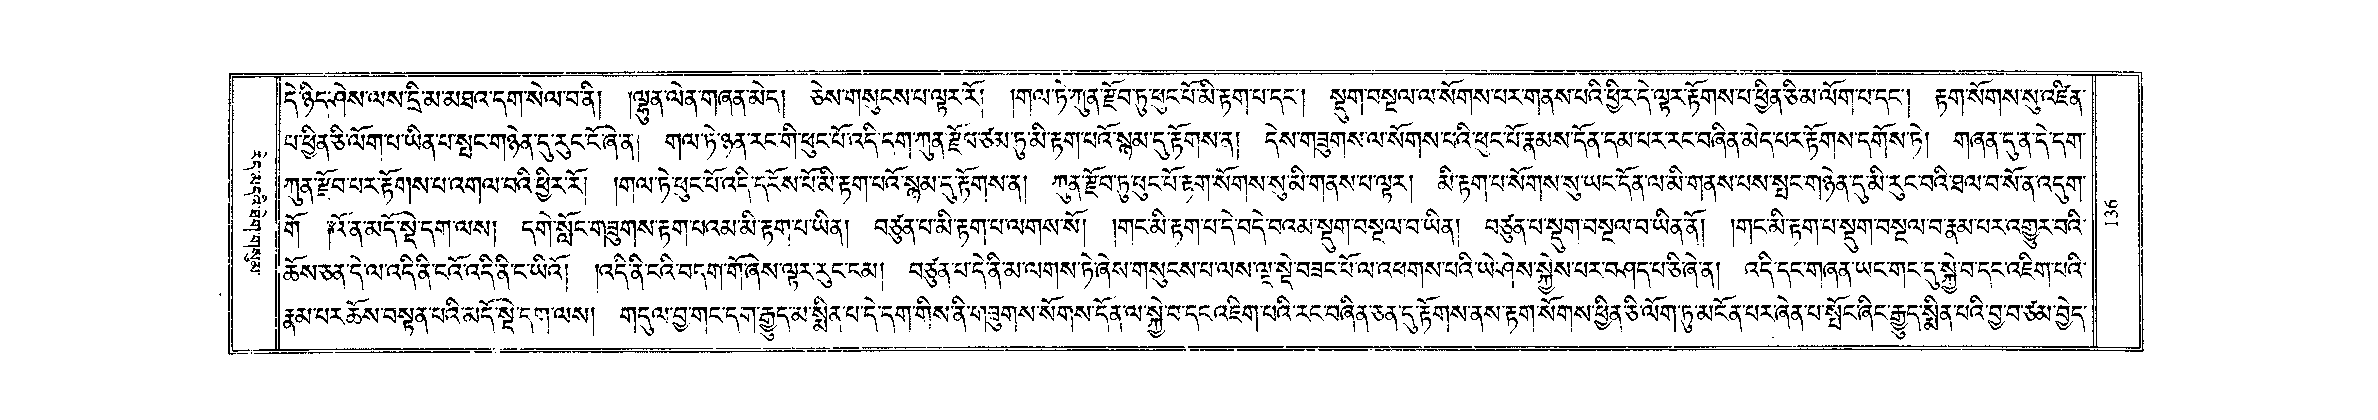དེ་ཉིད་ཤེས་ལས་དྲི་མ་མཐའ་དག་སེལ་བ་ནི། །ལྷུན་ལེན་གཞན་མེད། ཅེས་གསུངས་པ་ལྟར་རོ། །གལ་ཏེ་ཀུན་རྫོབ་ཏུ་ཕུང་པོ་མི་རྟག་པ་དང་། སྡུག་བསྔལ་ལ་སོགས་པར་གནས་པའི་ཕྱིར་དེ་ལྟར་རྟོགས་པ་ཕྱིན་ཅི་མ་ལོག་པ་དང་། རྟག་སོགས་སུ་འཛིན་
པ་ཕྱིན་ཅི་ལོག་པ་ཡིན་པ་སྤང་གཉེན་དུ་རུང་ངོ་ཞེ་ན། གལ་ཏེ་ཉན་རང་གི་ཕུང་པོ་འདི་དག་ཀུན་རྫོབ་ཙམ་ཏུ་མི་རྟག་པའོ་སྙམ་དུ་རྟོགས་ན། དེས་གཟུགས་ལ་སོགས་པའི་ཕུང་པོ་རྣམས་དོན་དམ་པར་རང་བཞིན་མེད་པར་རྟོགས་དགོས་ཏེ། གཞན་དུ་ན་དེ་དག་
ཀུན་རྫོབ་པར་རྟོགས་པ་འགལ་བའི་ཕྱིར་རོ། །གལ་ཏེ་ཕུང་པོ་འདི་དངོས་པོ་མི་རྟག་པའོ་སྙམ་དུ་རྟོགས་ན། ཀུན་རྫོབ་ཏུ་ཕུང་པོ་རྟག་སོགས་སུ་མི་གནས་པ་ལྟར། མི་རྟག་པ་སོགས་སུ་ཡང་དོན་ལ་མི་གནས་པས་སྤང་གཉེན་དུ་མི་རུང་བའི་ཐལ་བ་སོ་ན་འདུག་
གོ ༑འོ་ན་མདོ་སྡེ་དག་ལས། དགེ་སློང་གཟུགས་རྟག་པའམ་མི་རྟག་པ་ཡིན། བཙུན་པ་མི་རྟག་པ་ལགས་སོ། །གང་མི་རྟག་པ་དེ་བདེ་བའམ་སྡུག་བསྔལ་བ་ཡིན། བཙུན་པ་སྡུག་བསྔལ་བ་ཡིན་ནོ། །གང་མི་རྟག་པ་སྡུག་བསྔལ་བ་རྣམ་པར་འགྱུར་བའི་
ཆོས་ཅན་དེ་ལ་འདི་ནི་ངའོ་འདི་ནི་ང་ཡིའོ། །འདི་ནི་ངའི་བདག་གོ་ཞེས་ལྟར་རུང་ངམ། བཙུན་པ་དེ་ནི་མ་ལགས་ཏེ་ཞེས་གསུངས་པ་ལས་ལྔ་སྡེ་བཟང་པོ་ལ་འཕགས་པའི་ཡེ་ཤེས་སྐྱེས་པར་བཤད་པ་ཅི་ཞེ་ན། འདི་དང་གཞན་ཡང་གང་དུ་སྐྱེ་བ་དང་འཇིག་པའི་
རྣམ་པར་ཆོས་བསྟན་པའི་མདོ་སྡེ་དག་ལས། གདུལ་བྱ་གང་དག་རྒྱུད་མ་སྨིན་པ་དེ་དག་གིས་ནི་གཟུགས་སོགས་དོན་ལ་སྐྱེ་བ་དང་འཇིག་པའི་རང་བཞིན་ཅན་དུ་རྟོགས་ནས་རྟག་སོགས་ཕྱིན་ཅི་ལོག་ཏུ་མངོན་པར་ཞེན་པ་སྤོང་ཞིང་རྒྱུད་སྨིན་པའི་བྱ་བ་ཙམ་བྱེད་